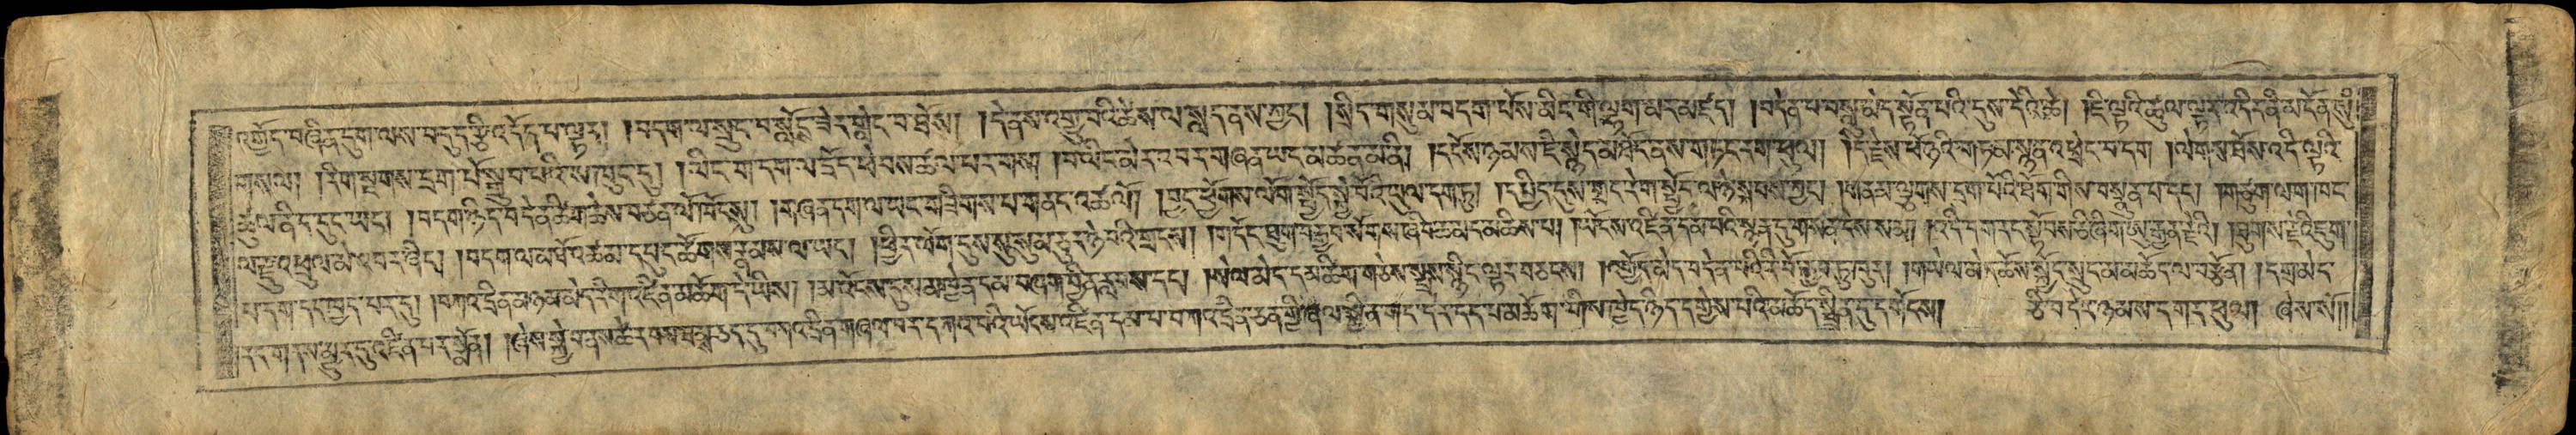འགྱོད་བཞིན་དུག་ལས་བདུད་རྩི་འདད་པ་ལྟར། །བདག་ལ་སྲུང་བ་སློངས་ཟེར་གླེང་བ་ཐོས། །དེ་ནས་འགྱུར་བའི་ཚེས་ལ་སླད་ནས་ཀྱང་། །སྲིད་གསུམ་བདག་པོས་མིང་གི་ལྷག་མར་མཛད། །བདེན་པ་བསླུ་མེད་སྟོན་པའི་དུས་དེའི་ཚེ། །ཇི་ལྟའི་ཚུལ་ལྟར་འདི་རིན་མངོན་སུཾ་
གསལ། །རིག་སྔགས་དྲག་པོ་སྒྲུབ་པའི་ས་ཁུང་དུ། །ལིང་ག་དག་ལ་དྲོད་ཕེབས་ཚལ་པར་གས། །བ་ལིང་མེར་འབར་གཞན་ཡང་མཚན་མ་ནི། །དངོས་ཉམས་ཇི་སྙེད་མཐོང་ནས་གཏང་རག་ཕུལ། །དེ་རྗེས་ཕོ་ཉའི་གཏམ་སྙན་འཕྲེང་བདག །ལེགས་ཐོས་འདི་ལྟའི་
ཚུལ་ནི་ད་དུང་ཡང་། །བདག་ཉིད་བདེན་ཚིག་ཆེས་བཅན་ལོ་ཁོང་སུ། །གཞན་དག་ལ་ཡང་གཟིགས་པ་གནང་འཚལ་ལོ། །བྱང་ཕྱོགས་ལོག་སྤྱོད་སྐྱེ་བོའི་ཡུལ་དག་ཏུ། །དཔྱིད་དུས་གྲང་རེག་སྤྱོད་ལ་ཉེ་སྐབས་ཀྱང་། །གནམ་ལྕགས་དྲག་པོའི་ཐོག་གིས་བསྣུན་པ་དང་། །གཙུག་ལག་ཁང་
ལ་རྫུ་འཕྲུལ་མེ་འབར་ཞིང་། །བདག་ལ་མཐོ་འཚམ་དཔུང་ཚོགས་རྣམས་ལ་ཡང་། །ཕྱིར་ལོག་དུས་སུ་སུམ་ཅུར་ཉེ་བའི་གྲངས། །གདོང་ཐུག་བརྒྱབ་སོགས་ཞིབ་ཆ་མང་མཆིས་པ། །ཡོངས་འཛིན་དམ་པའི་སྙན་དུ་གསན་ངེས་སམ། །འདི་དག་རང་སྟོབས་ཅི་ཞིག་ཨུ་རྒྱན་རྗེའི། །ཐུགས་རྗེའི་ཇུག་
པ་ནག་དང་ཁྱད་པར་དུ། །བཀའ་དྲིན་མཉམ་མེད་རིག་འཛིན་མཆོག་དེ་ཡིས། །མ་འོངས་དུས་མཁྱེན་དམ་བཞག་བྱིན་རླབས་དང་། །སེལ་མེད་དམ་ཚིག་གཅེས་སྤྲས་སྙིང་ལྟར་བཅངས། །འགྱོད་མེད་བདེན་པའི་རི་བོ་རྒྱབ་ཏུ་ཁུར། །གཡེལ་མེད་ཆོས་སྐྱོང་སྲུང་མ་མཆོད་ལ་བརྩོན། །དགྲ་མེད་
ནང་གནས་མྱུར་དུ་འཛིན་པར་སྨོན། །ཞེས་སྐྱེ་བ་ནས་ཚེ་རབས་ཐམས་ཅད་དུ་བབས་དྲིན་གཞལ་བར་དཀའ་བའི་ཡོངས་འཛིན་དམ་པ་བཀའ་དྲིན་ཅན་གྱི་ཞལ་སྐྱིན་གང་དེར་དད་པ་མཆོག་གིས་ཁྱེད་ཉིད་དགྱེས་པའི་མཆོད་སྤྲིན་དུ་དགོངས། ཅི་བ་དེར་ཉམས་དགར་ཕུལ། ཞེས་སོ།།